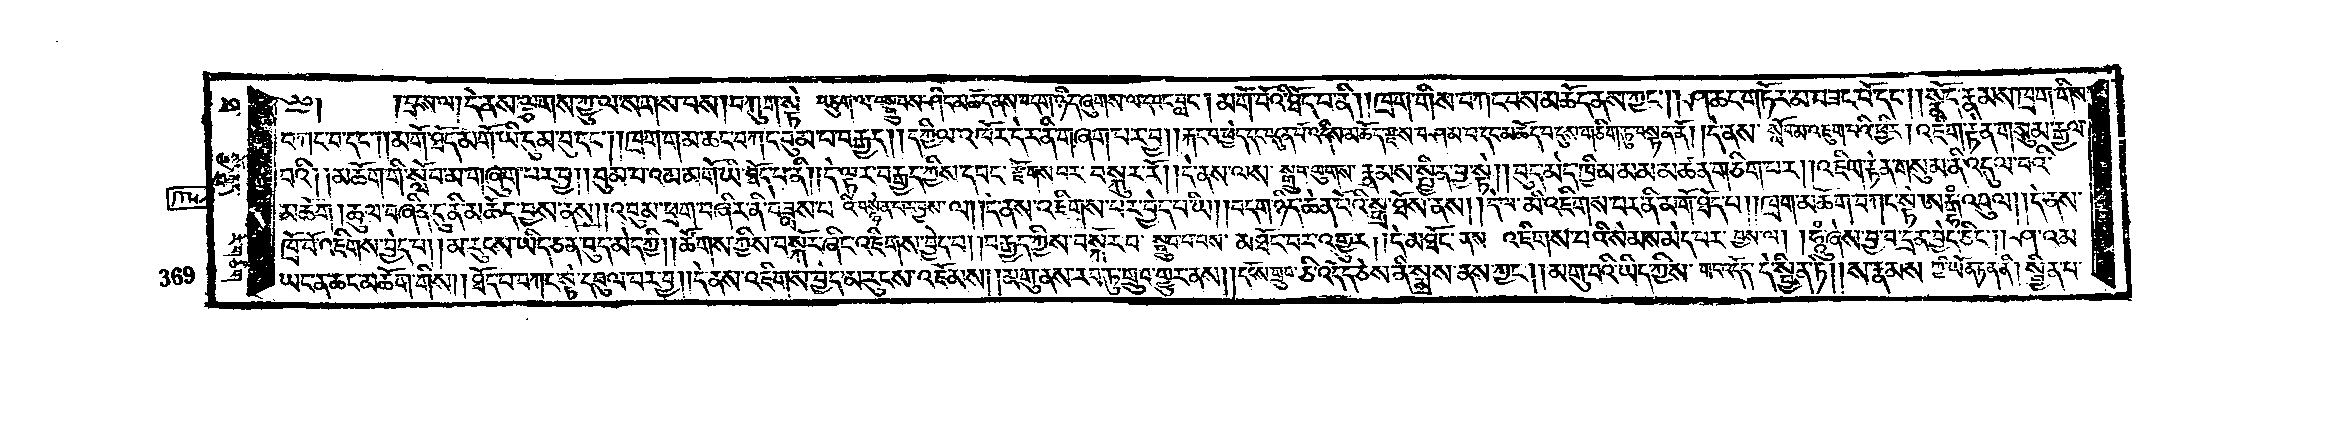༄༅། །དྲངས་ལ། དེ་ནས་ལྕགས་ཀྱུ་ལ་སོགས་པས། བཀུག་སྟེ་བཅུག་ལ་བསྒྲུབས་ཤིང་མཆོད་ནས་བདག་ཉིད་ཞུགས་ལ་དབང་བླང། མགོ་བོའི་ཐོད་པ་ནི། །ཁྲག་གིས་བཀང་བས་མཆོད་ནས་ཀྱང་། །ཤ་ཆང་གཏོར་མ་བཟང་པོ་དང་། །སྣོད་རྣམས་ཁྲག་གིས་
བཀང་བ་དང་། །མགོ་ཐོད་མགོ་ཡི་དུམ་བུ་དང་། །ཁྲག་གམ་ཆང་བཀང་བུམ་པ་བརྒྱད། །དཀྱིལ་འཁོར་དེར་ནི་གཞག་པར་བྱ། ། རྐང་པ་ཕྱེད་དང་བདུན་པོ་འདིས་མཆོད་རྫས་བཤམ་པ་དང་མཆོད་པ་དུས་གཅིག་ཏུ་བསྟན་ནོ། །དེ་ནས་སླེབ་མ་འཇུག་པའི་ཕྱིར། འཇིག་རྟེན་གསུམ་རྒྱལ་
བའི། །མཆོག་གི་སློབ་མ་གཞུག་པར་བྱ། །བུམ་པ་འམ་མགོ་ཡི་ཐོད་པ་ནི། །དེ་ལྟར་བརྒྱད་ཀྱིས་དབང་རྫོགས་པར་བསྐུར་རོ། །དེ་ནས་ལས་སྒྲུབ་ལུགས་རྣམས་སྦྱིན་བྱ་སྟེ། །བུད་མེད་ཁྱིམ་མམ་མཚན་གཅིག་པར། །འཇིག་རྟེན་གསུམ་ནི་འདུལ་བའི་
མཆོག །ཚུལ་བཞིན་དུ་ནི་མཆོད་བྱས་ནས། །འབུམ་ཕྲག་བཞིར་ནི་བཟླས་པའི་བསྙེན་པར་བྱས་ལ། །དེ་ནས་འཇིགས་པར་བྱེད་པ་ཡི། །བདག་ཉིད་ཆེན་པོའི་སྒྲ་ཐོས་ནས། །དེ་ལ་མི་འཇིགས་པར་ནི་མགོ་ཐོད་པ། །ཁྲག་མཆོག་བཀང་སྟེ་ཨརྒྷཾ་འབུལ། །དེ་ནས་
ཁྲོ་བོ་འཇིགས་བྱེད་པ། །མ་རུངས་ཡིད་ཅན་བུད་མེད་ཀྱི། །ཚོགས་ཀྱིས་བསྐོར་ཞིང་འཇིགས་བྱེད་པ། །བརྒྱད་ཀྱིས་བསྐོར་བ་སྒྲུབ་པ་པས་མཐོང་བར་འགྱུར། །དེ་མཐོང་ནས་འཇིགས་པའི་སེམས་མེད་པར་བྱས་ལ། །ཧཱུཾ་ཞེས་བྱ་བ་དྲན་བྱེད་ཅིང་། །ཤ་འམ་
ཡང་ན་ཆང་མཆོག་གིས། །ཐོད་པ་བཀང་སྟེ་དབུལ་བར་བྱ། །དེ་ནས་འཇིགས་བྱེད་མ་རུངས་འཇོམས། །མགུ་ནས་རབ་ཏུ་གྲུབ་གྱུར་ནས། །དངོས་གྲུབ་ཅི་འདོད་ཅེས་ནི་སྨྲས་ནས་ཀྱང་། །མགུ་བའི་ཡིད་ཀྱིས་གང་འདོད་དེ་སྦྱིན་ཏེ། །ས་རྣམས་ཀྱི་ཡོན་ཏན་ནི། སྦྱིན་པ་